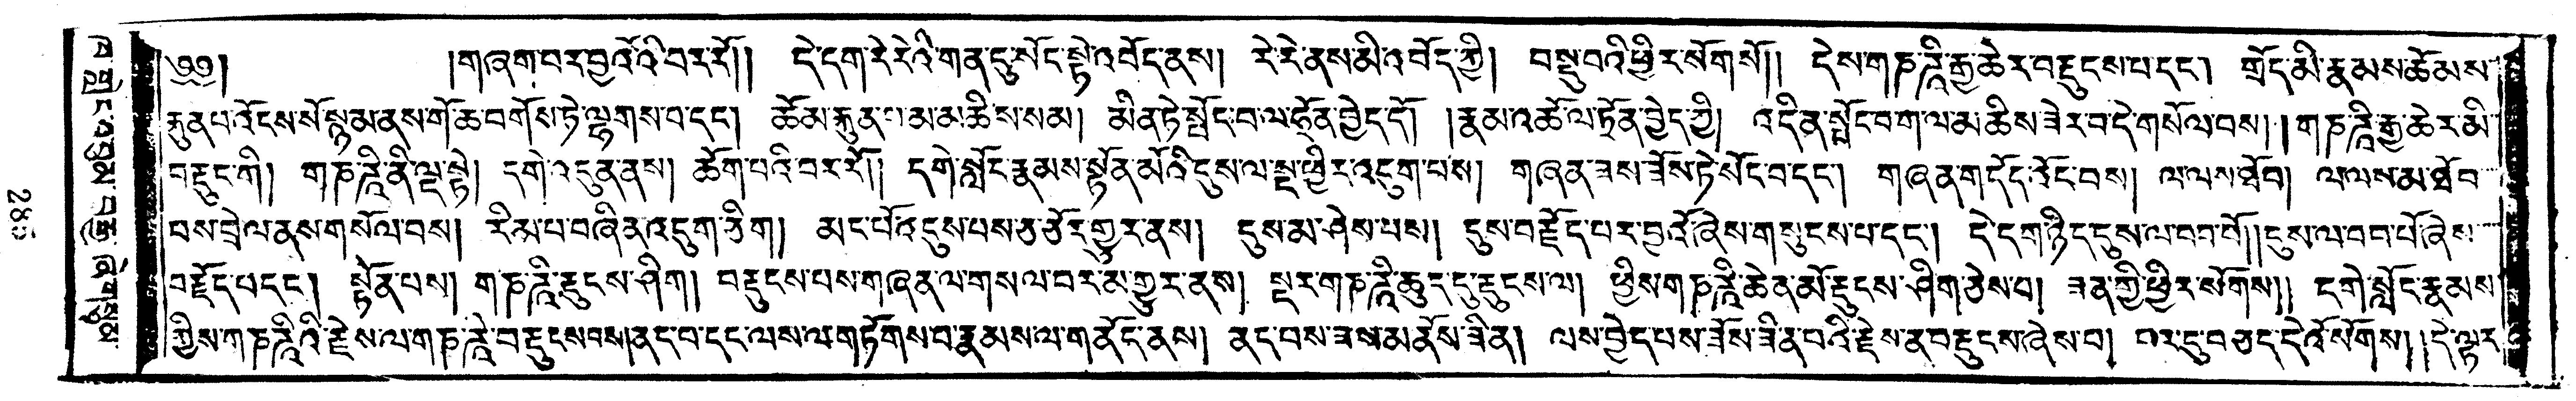༄༅། །གཞག་པར་བྱའོའི་བར་རོ།། དེ་དག་རེ་རེའི་གན་དུ་སོང་སྟེ་འབོད་ནས། རེ་རེ་ནས་མི་འབོད་ཀྱི། བསྡུ་བའི་ཕྱིར་སོགསོ།། དེས་གཎ་ཌཱི་རྒྱ་ཆེར་བརྡུངས་པ་དང་། གྲོད་མི་རྣམས་ཆོམས་
རྐུན་པ་འོངས་སོ་སྙམ་ནས་གོ་ཆ་བགོས་ཏེ་ལྷགས་པ་དང་། ཆོམ་རྐུན་པ་མ་མཆིས་སམ། མིན་ཏེ་སྤོང་བ་ལ་ཧྲོན་བྱེད་དོ། །རྣམ་འཆོ་ལ་ཏྲོན་བྱེད་ཀྱི། འདི་ན་སྤོང་བ་ག་ལ་མཆིས་ཟེར་བ་དེ་གསོལ་བས། །གཎ་ཌཱི་རྒྱ་ཆེར་མི་
བརྡུང་གི། གཎ་ཌཱི་ནི་ལྔ་སྟེ། དགེ་འདུན་ནས། ཆོག་པའི་བར་རོ།། དགེ་སློང་རྣམས་སྟོན་མོའི་དུས་ལ་སྔ་ཕྱིར་འདུག་པས། གཞན་ཟས་ཟོས་ཏེ་སོང་བ་དང་། གཞན་གདོད་འོང་བས། ལ་ལས་ཐོབ། ལ་ལས་མ་ཐོབ་
བས་བྲེལ་ནས་གསོལ་བས། རིམ་པ་བཞིན་འདུག་ཅིག། མང་པོ་འདུས་པས་ཅ་ཅོར་གྱུར་ནས། དུས་མ་ཤེས་པས། དུས་བརྗོད་པར་བྱའོ་ཞེས་གསུངས་པ་དང་། དེ་དག་ཉིད་དུས་ལ་བབ་བོ། །དུས་ལ་བབ་པོ་ཞེས་
བརྗོད་པ་དང་། སྟོན་པས། གཎ་ཌཱི་རྡུངས་ཤིག། བརྡུངས་པས་གཞན་ལ་གསལ་བར་མ་གྱུར་ནས། སྔར་གཎ་ཌཱི་ཆུད་དུ་རྡུངས་ལ། ཕྱིས་གཎ་ཌཱི་ཆེན་མོ་རྡུངས་ཤིག་ཅེས་པ། ཟན་གྱི་ཕྱིར་སོགས།། དགེ་སློང་རྣམས་
ཀྱིས་གཎ་ཌཱིའི་རྗེས་ལ་གཎ་ཌE་བརྡུངས་བས། ནད་པ་དང་ལས་ལ་གཏོགས་པ་རྣམས་ལ་གནོད་ནས། ནད་བས་ཟས་མནོས་ཟིན། ལས་བྱེད་པས་ཟོས་ཟིན་པའི་རྗེས་ན་བརྡུངས་ཞེས་པ། བར་དུ་བཅད་དེའོ་སོགས། །དེ་ལྟར་